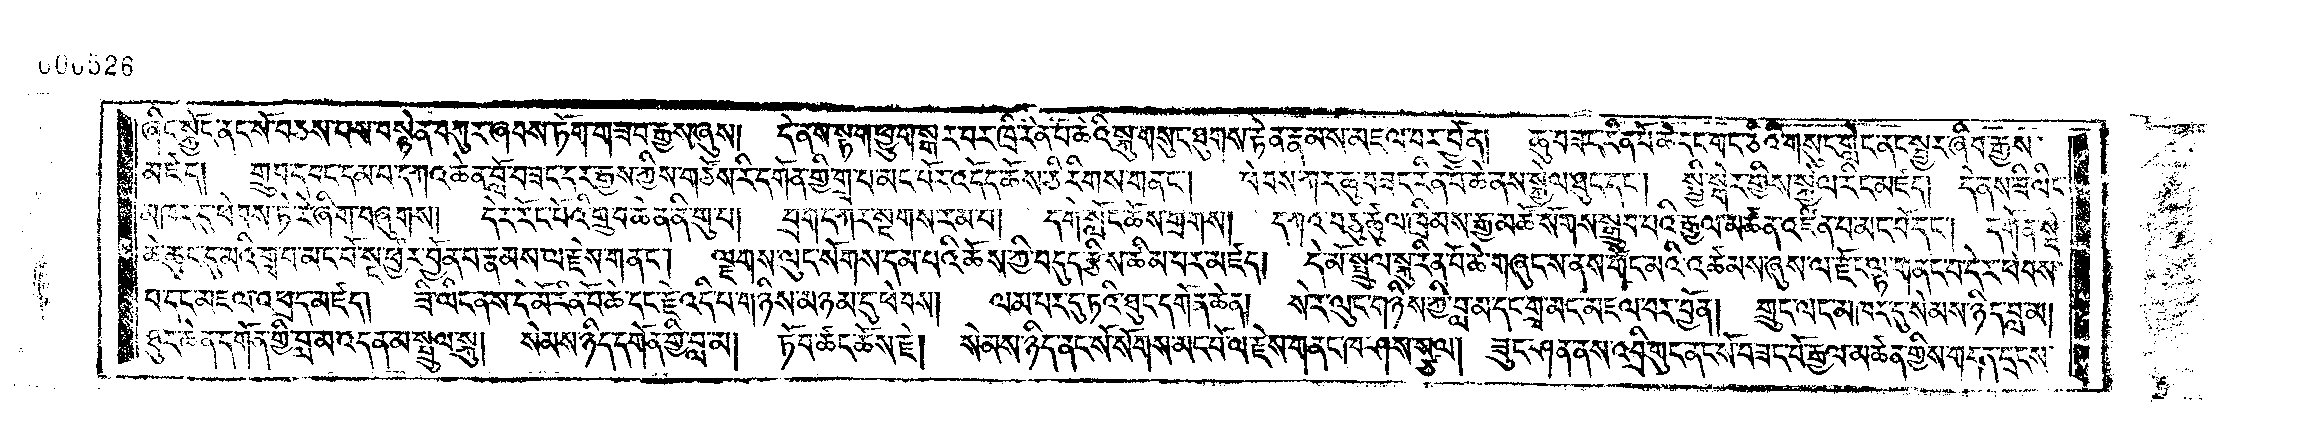ཞིང་སྐྱོང་ནང་སོ་བཅས་པས་བསྙེན་བཀུར་ཞབས་ཏོག་གཟབ་རྒྱས་ཞུས། དེ་ནས་སྟག་ཕྱུག་སྒར་བར་ཁྲི་རིན་པོ་ཆེའི་སྐུ་གསུང་ཐུགས་རྟེན་རྣམས་མཇལ་བར་བྱོན། ཆུ་བཟང་རིན་པོ་ཆེ་དང་གང་ཅིའི་གསུང་གླེང་ནང་སྦྱར་ཞིབ་རྒྱས་
མཛད། གྲུབ་དབང་དམ་པ་དཀའ་ཆེན་བློ་བཟང་དར་རྒྱས་ཀྱིས་གཙོས་རི་དགོན་གྱི་གྲྭ་པ་མང་པོར་འདོད་ཆོས་ཅི་རིགས་གནང་། ཕེབས་ཀར་ཆུ་བཟང་རིན་པོ་ཆེ་ནས་སྐྱེལ་ཐུང་དང་། སྤྱི་སྒེར་གྱིས་སྐྱེལ་རིང་མཛད། དེ་ནས་ཟི་ལིང་
མཁར་དུ་ཕེབས་ཏེ་རེ་ཞིག་བཞུགས། དེར་རོང་པོའི་གྲུབ་ཆེན་ནི་གུ་པ། བྲག་དཀར་སྔགས་རམ་པ། དགེ་སློང་ཆོས་གྲགས། དཀའ་བཅུ་ཚུལ་ཁྲིམས་རྒྱ་མཚོ་སོགས་སྒྲུབ་པའི་རྒྱལ་མཚན་འཛིན་པ་མང་པོ་དང་། དགོན་སྡེ་
ཆེ་ཆུང་དུ་མའི་གྲྭ་པ་མང་པོ་སྔ་ཕྱིར་བྱོན་པ་རྣམས་ལ་རྗེས་གནང་། ལྗགས་ལུང་སོགས་དམ་པའི་ཆོས་ཀྱི་བདུད་རྩིས་ཚིམ་པར་མཛད། དེ་མོ་སྤྲུལ་སྐུ་རིན་པོ་ཆེ་གཞུང་ས་ནས་གོང་མའི་འཚམས་ཞུས་ལ་རྫོང་ལྟ་གནང་པ་དེར་ཕེབས་
བ་དང་མཇལ་འཕྲད་མཛད། ཟི་ལིང་ནས་དེ་མོ་རིན་པོ་ཆེ་དང་རྗེ་འདི་པ་གཉིས་མཉམ་དུ་ཕེབས། ལམ་པར་དུ་ཏའི་ཐུང་དགོན་ཆེན། སེར་ལུང་གཉིས་ཀྱི་བླ་མ་དང་གྲྭ་མང་མཇལ་བར་བྱོན། གྲུང་ལད་མཁར་དུ་སེམས་ཉིད་བླ་མ།
ཐུར་ཆེན་དགོན་གྱི་བླ་མ་འདན་མ་སྤྲུལ་སྐུ། སེམས་ཉིད་དགོན་གྱི་བླ་མ། ཏོབ་ཚང་ཆོས་རྗེ། སེམས་ཉིད་ནང་སོ་སོགས་མང་པོ་ལ་རྗེས་གནང་ཁ་ཤས་སྩལ། ཟུང་ཤན་ནས་འབྲི་གུང་ནང་སོ་བཟང་པོ་རྒྱལ་མཚན་གྱིས་གདན་དྲངས་